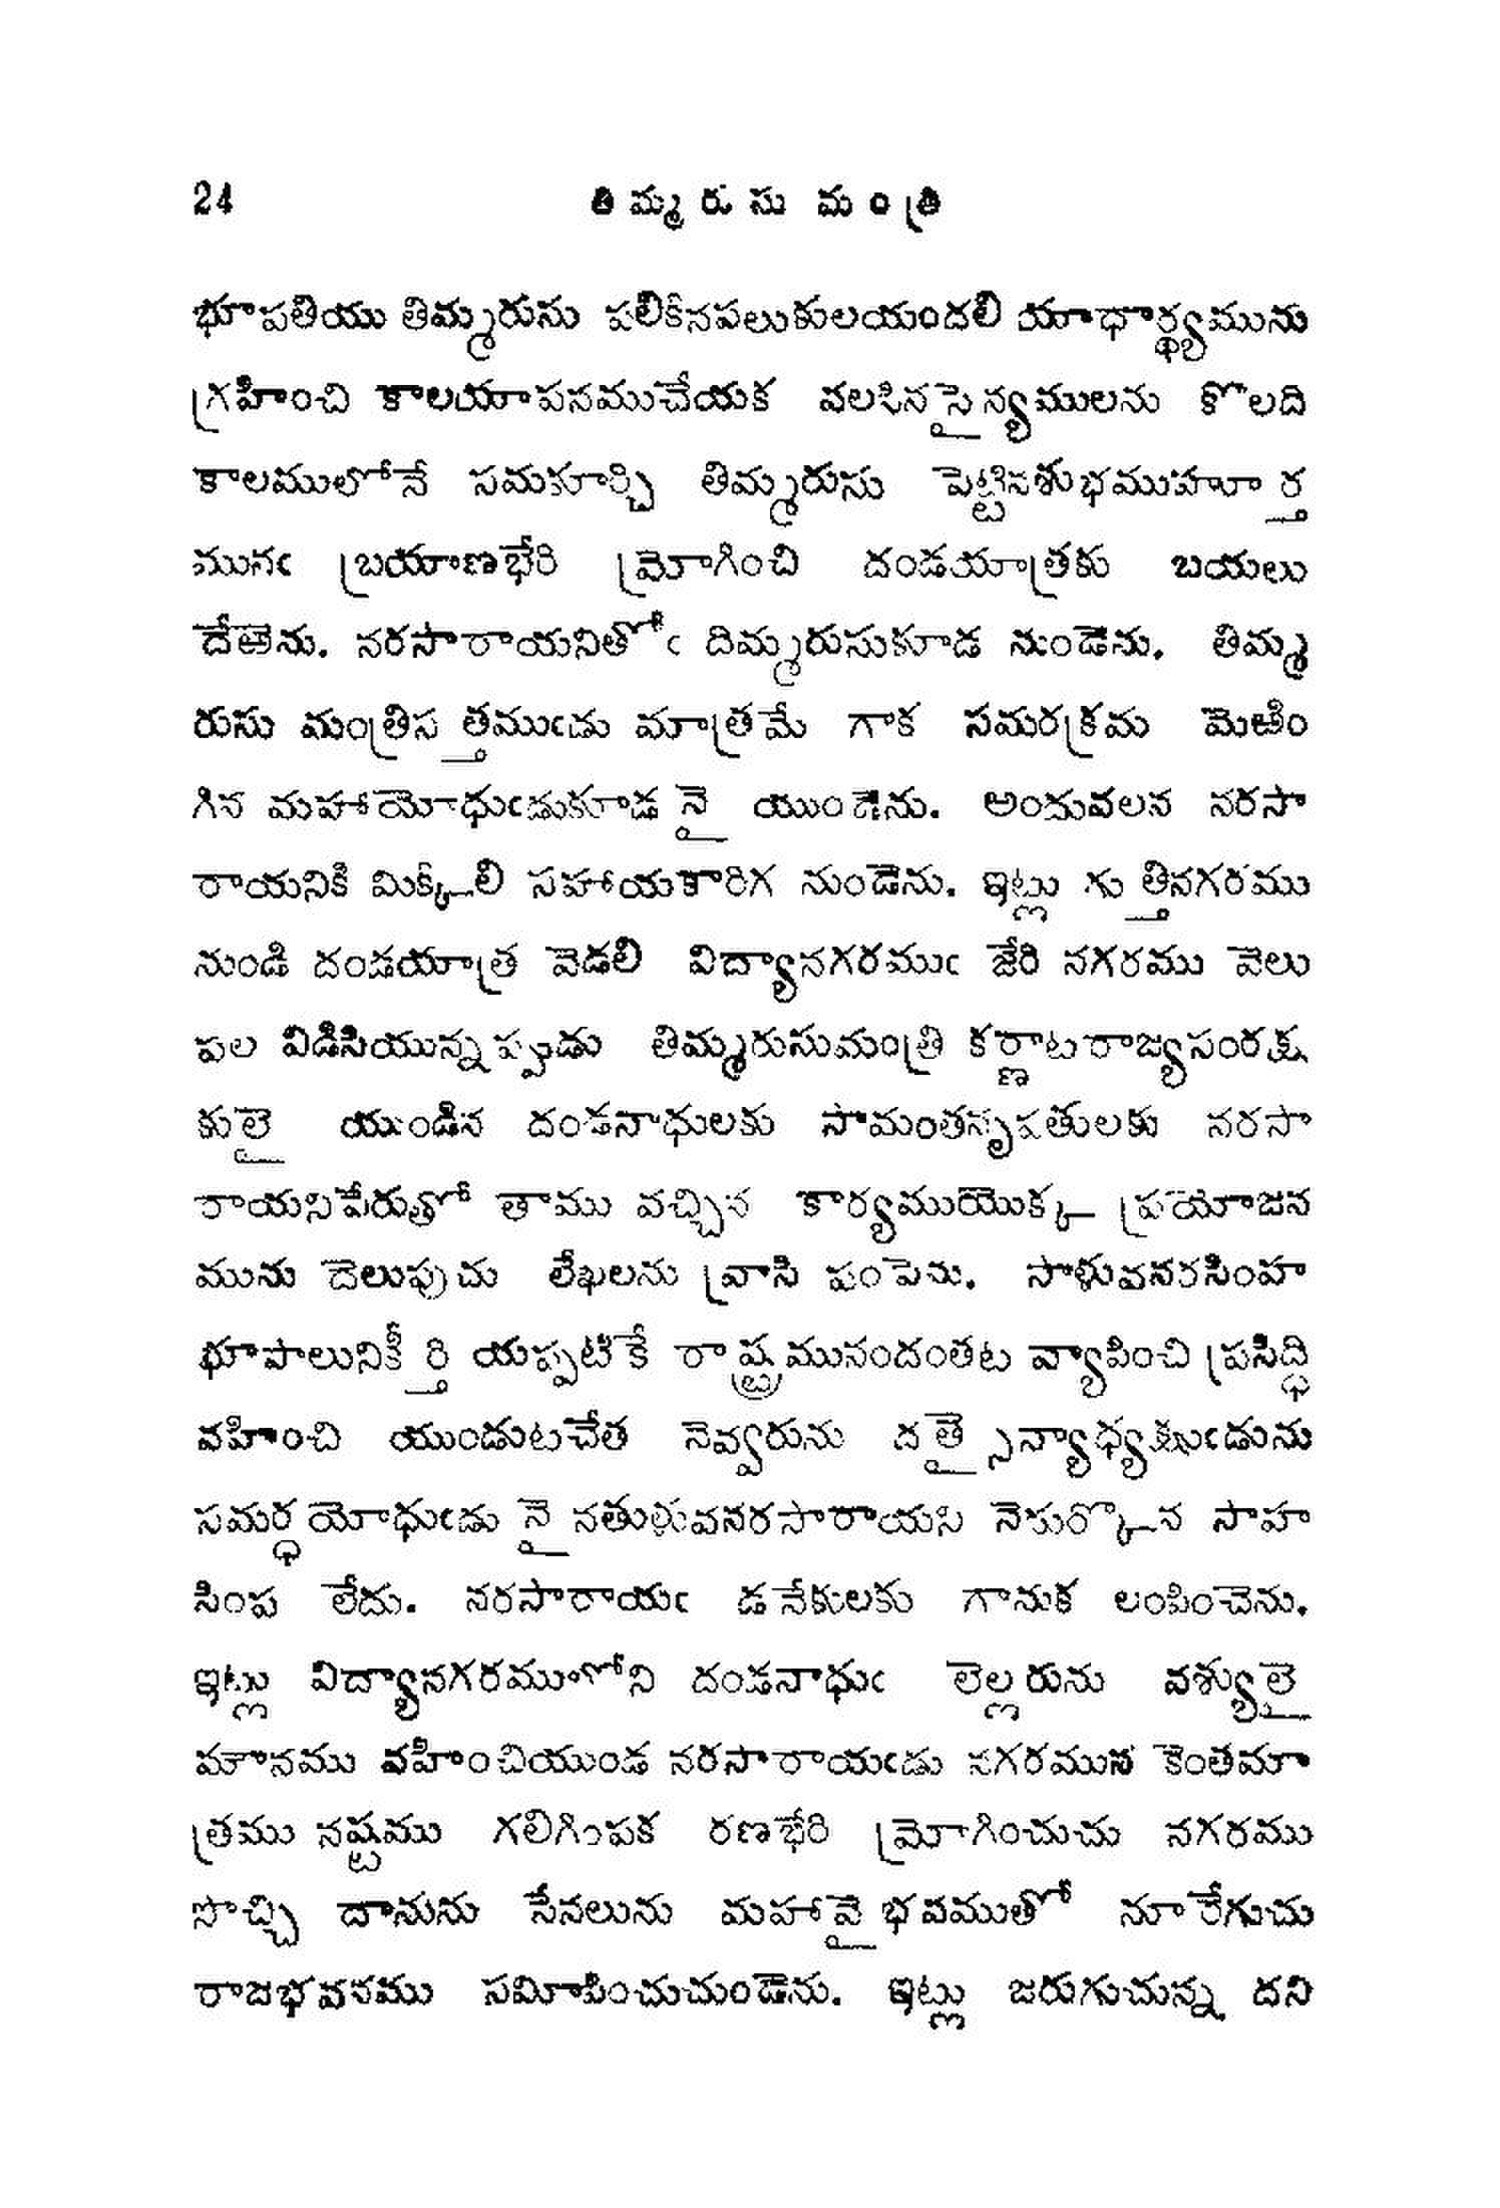భూపతియు తిమ్మరుసు పలికినపలుకులయందలి యధార్థ్యమును గ్రహించి కాలయాపనముచేయక వలసినసైన్యములను కొలది కాలములోనే సమకూర్చి తిమ్మరుసు పెట్టిన శుభముహూర్తమునఁ బ్రయాణభేరి మ్రోగించి దండయాత్రకు బయలు దేఱెను. నరసారాయనితోఁ దిమ్మరుసుకూడ నుండెను. తిమ్మరుసు మంత్రిసత్తముఁడు మాత్రమే గాక సమరక్రమ మెఱింగిన మహాయోధుఁడుకూడ నై యుండెను. అందువలన నరసారాయనికి మిక్కిలి సహాయకారిగ నుండెను. ఇట్లు గుత్తినగరము నుండి దండయాత్ర వెడలి విద్యానగరముఁ జేరి నగరము వెలుపల విడిసియున్నప్పుడు తిమ్మరుసుమంత్రి కర్ణాటరాజ్యసంరక్షకులై యుండిన దండనాధులకు సామంతనృపతులకు నరసారాయనిపేరుతో తాము వచ్చిన కార్యముయొక్క ప్రయోజనమును దెలుపుచు లేఖలను వ్రాసి పంపెను. సాళువనరసింహ భూపాలునికీర్తి యప్పటికే రాష్ట్రమునందంతట వ్యాపించి ప్రసిద్ది వహించి యుండుటచేత నెవ్వరును దత్సైన్యాధ్యక్షుఁడును సమర్ధయోధుఁడు నైనతుళువనరసారాయని నెదుర్కొన సాహసింప లేదు. నరసారాయఁ డనేకులకు గానుక లంపించెను, ఇట్లు విద్యానగరములోని దండనాధుఁ లెల్లరును వశ్యులై మౌనము వహించియుండ నరసారాయఁడు నగరమున కెంతమాత్రము నష్టము గలిగింపక రణభేరి మ్రోగించుచు నగరము సొచ్చి దానును సేనలును మహావైభవముతో నూరేగుచు రాజభవనము సమీపించుచుండెను. ఇట్లు జరుగుచున్న దని